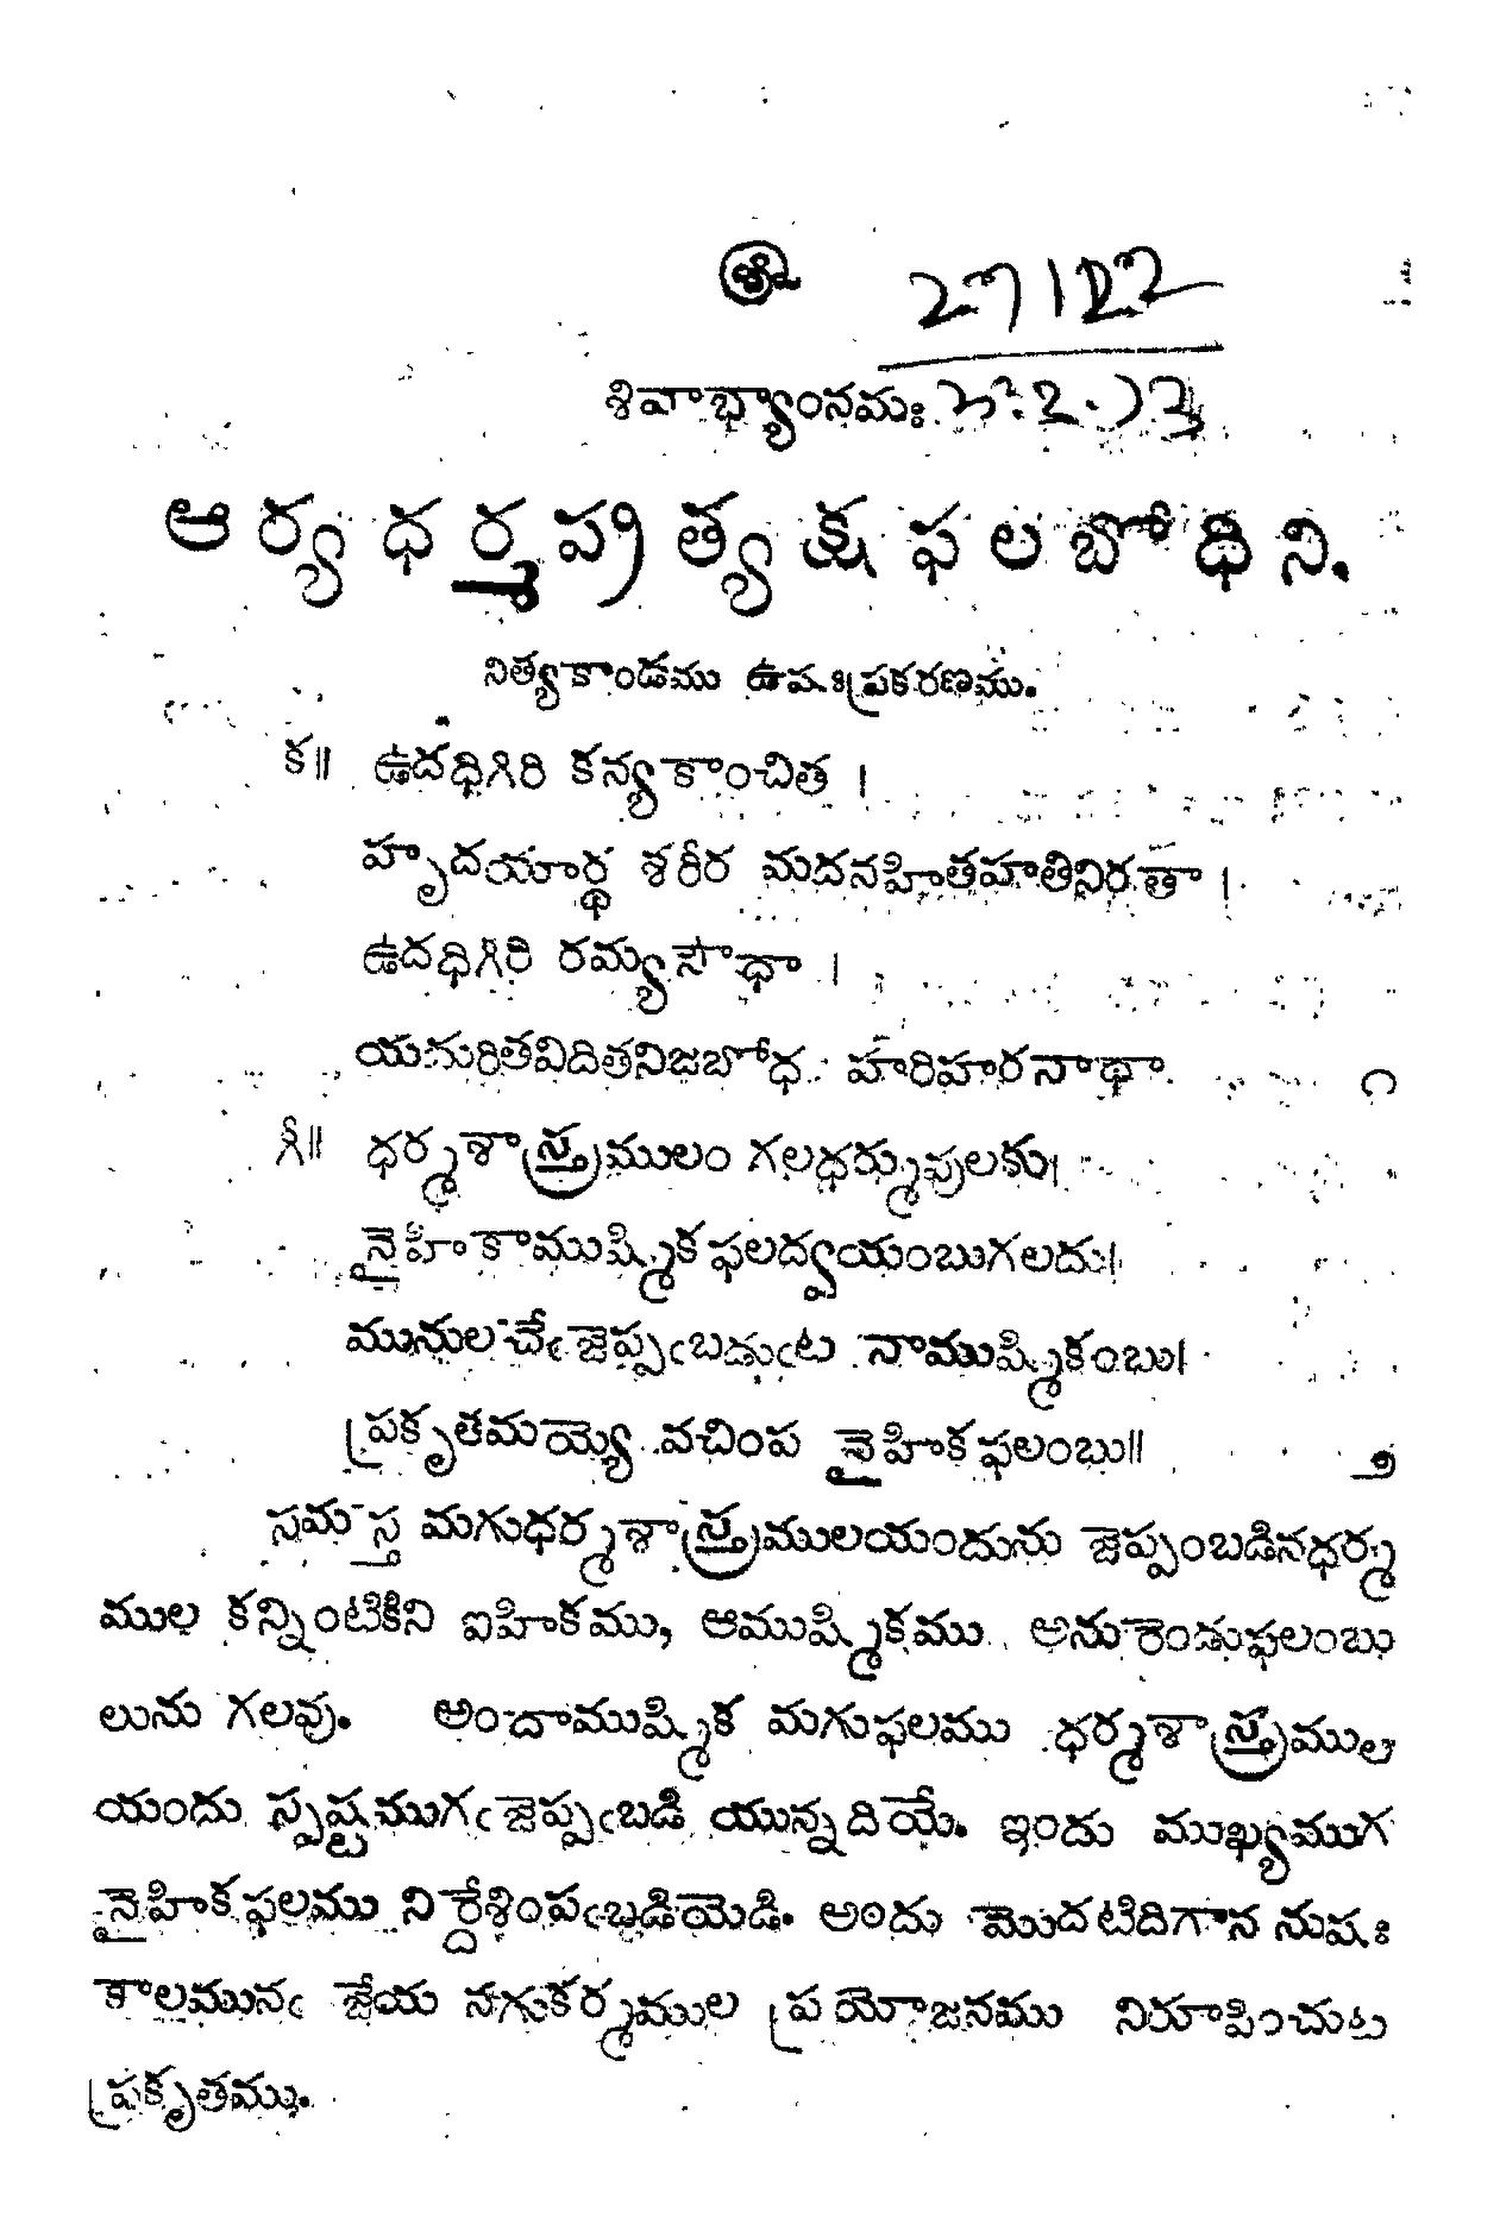ఆర్యధర్మప్రత్యక్షఫలబోధిని.

క॥ ఉదధిగిరి కన్యకాంచిత ।
 హృదయార్థ శరీర మదనహితహతినిరతా ।
 ఉదధిగిరి రమ్యసౌధా ।
 యదురితవిదితనిజబోధ హరిహరనాథా. 

గీ॥ ధర్మశాస్త్రములం గలధర్మువులకు ।
 నైహికాముష్మికఫలద్వయంబుగలదు ।
 మునులచేఁ జెప్పఁబడుఁట నాముష్మికంబు ।
 ప్రకృతమయ్యె వచింప నైహికఫలంబు॥ 

సమస్త మగుధర్మశాస్త్రములయందును జెప్పంబడినధర్మముల కన్నింటికిని ఐహికము, ఆముష్మికము అనురెండుఫలంబులును గలవు. అందాముష్మిక మగుఫలము ధర్మశాస్త్రముల యందు స్పష్టముగఁజెప్పఁబడి యున్నదియే. ఇందు ముఖ్యముగ నైహికఫలము నిర్దేశింపఁబడియెడి. అందు మొదటిదిగాన నుషఃకాలమునఁ జేయ నగుకర్మముల ప్రయోజనము నిరూపించుట ప్రకృతము.